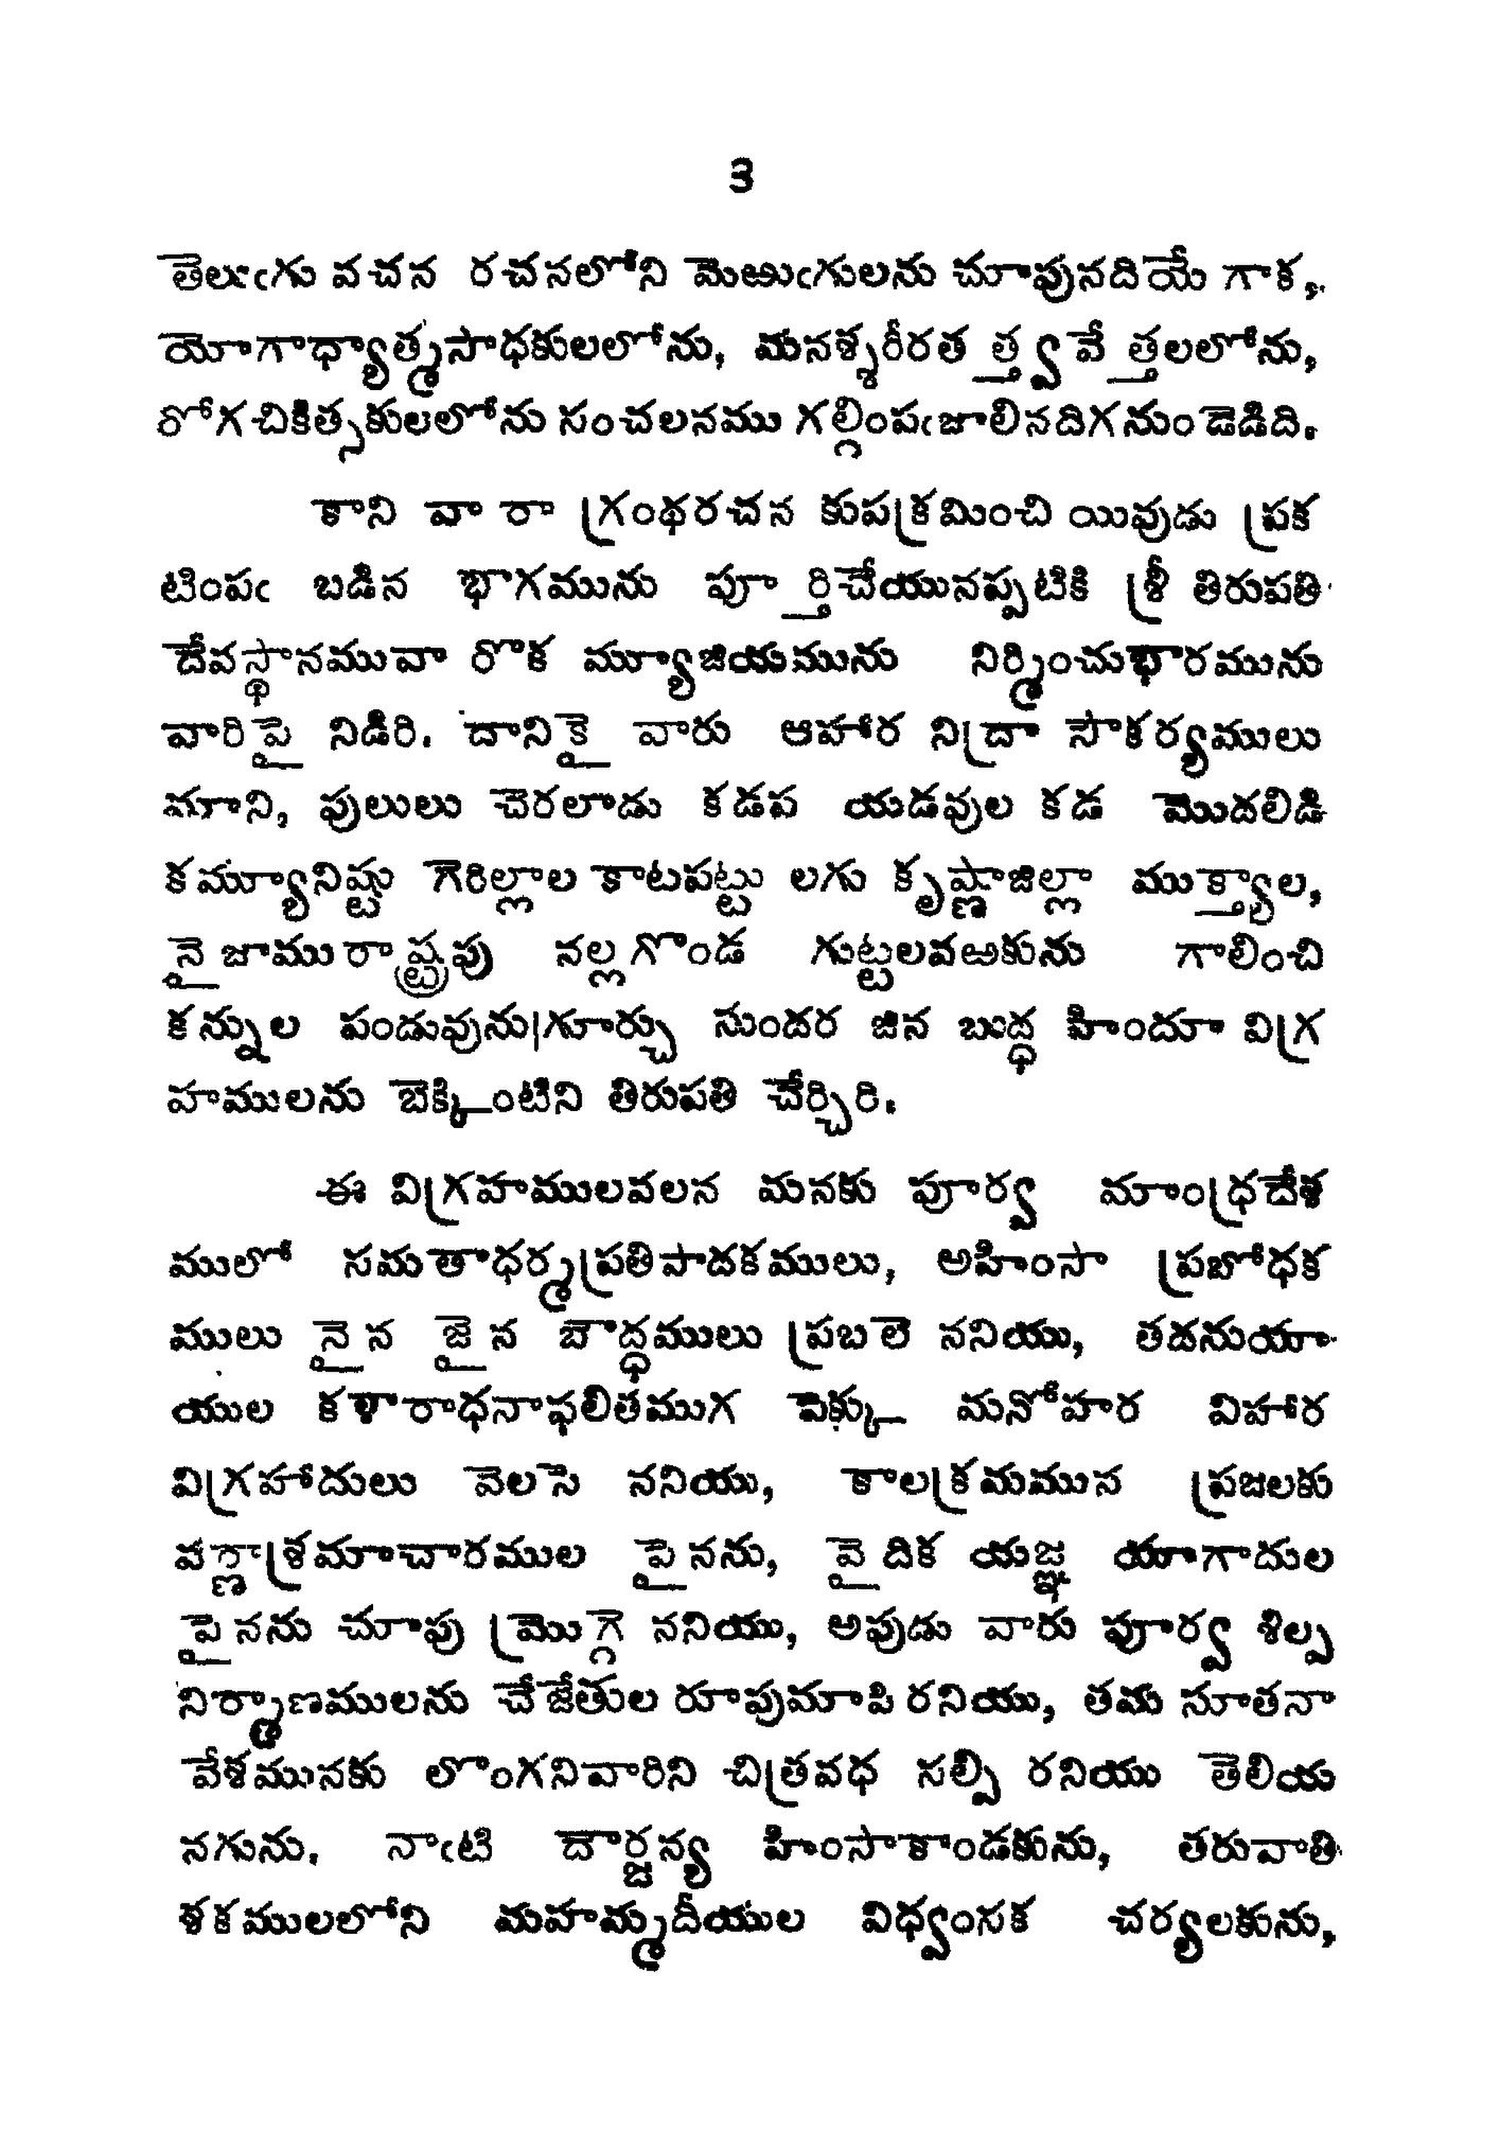నది తెలుఁగు వచన రచనలో మెఱుఁగులను చూపునది యేగాక, యోగాధ్యాసాధకులలోను, మనశ్సరీరతత్త్వవేత్తలలోను, రోగ చికుత్సకులలోను సంచనము గల్గింపఁజాలినది నుండెడిది.

 కాని వారా గ్రంధరచన కుపక్రమించి యిపుడు ప్రకటింపఁ బడిన భాగమును పూర్తి చేయునప్పటికి శ్రీ తిరుపతి దేవస్ధానమువారొక మ్యూజియమును నిర్మించుభారమును వారిపై నిడిరి. దానికై వారు ఆహార నిద్రా సౌకర్యములు మాని, పులులు చెరలాడు కడప యడవుల కడ మొదలిడి కమ్యునిస్టు గెరిల్లాల కాటపట్టు లగు కృష్ణాజిల్లా ముక్త్యాల, నైజాము రాష్ట్రము నల్లగొండ గుట్టలవఱకును గాలించి కన్నుల పండువును గూర్చు సుందర జిన బుద్ధ హిందూ విగ్రహములను బెక్కింటిని తిరుపతి చేర్చిరి. 

 ఈ విగ్రహముల వలన మనకు పూర్వ మాంద్రదేశములో సమతాధర్మ ప్రతి పాదక ములు, అహింసా ప్రబోధకములు నైన జైన బౌద్ధములు ప్రబలె ననియు, తదనుయాయుల కళారా ధనా ఫలితముగ పెక్కు మనోహర విహార విగ్రహదులు వెలసె ననియు, కాలక్రమమున ప్రజలకు వర్ణా శ్రమాచారముల పై నను, వైదిక యజ్ఞ యాగాదుల పై నను చూపు మ్రొగ్గె ననియు, అపుడు వారు పూర్వ శిల్పనిర్మాణములను చేజేతుల రూపుమాపిరనియు, తమ నూతనా వేశమునకు లొంగని వారిని చిత్రవధ సల్పి రనియు తెలియ నగును. నాఁటి దౌర్జన్య హింసా కాండకును, తరువాతి శక ములలోని మహమ్మదీయుల విధ్వంసక చర్యలకును,